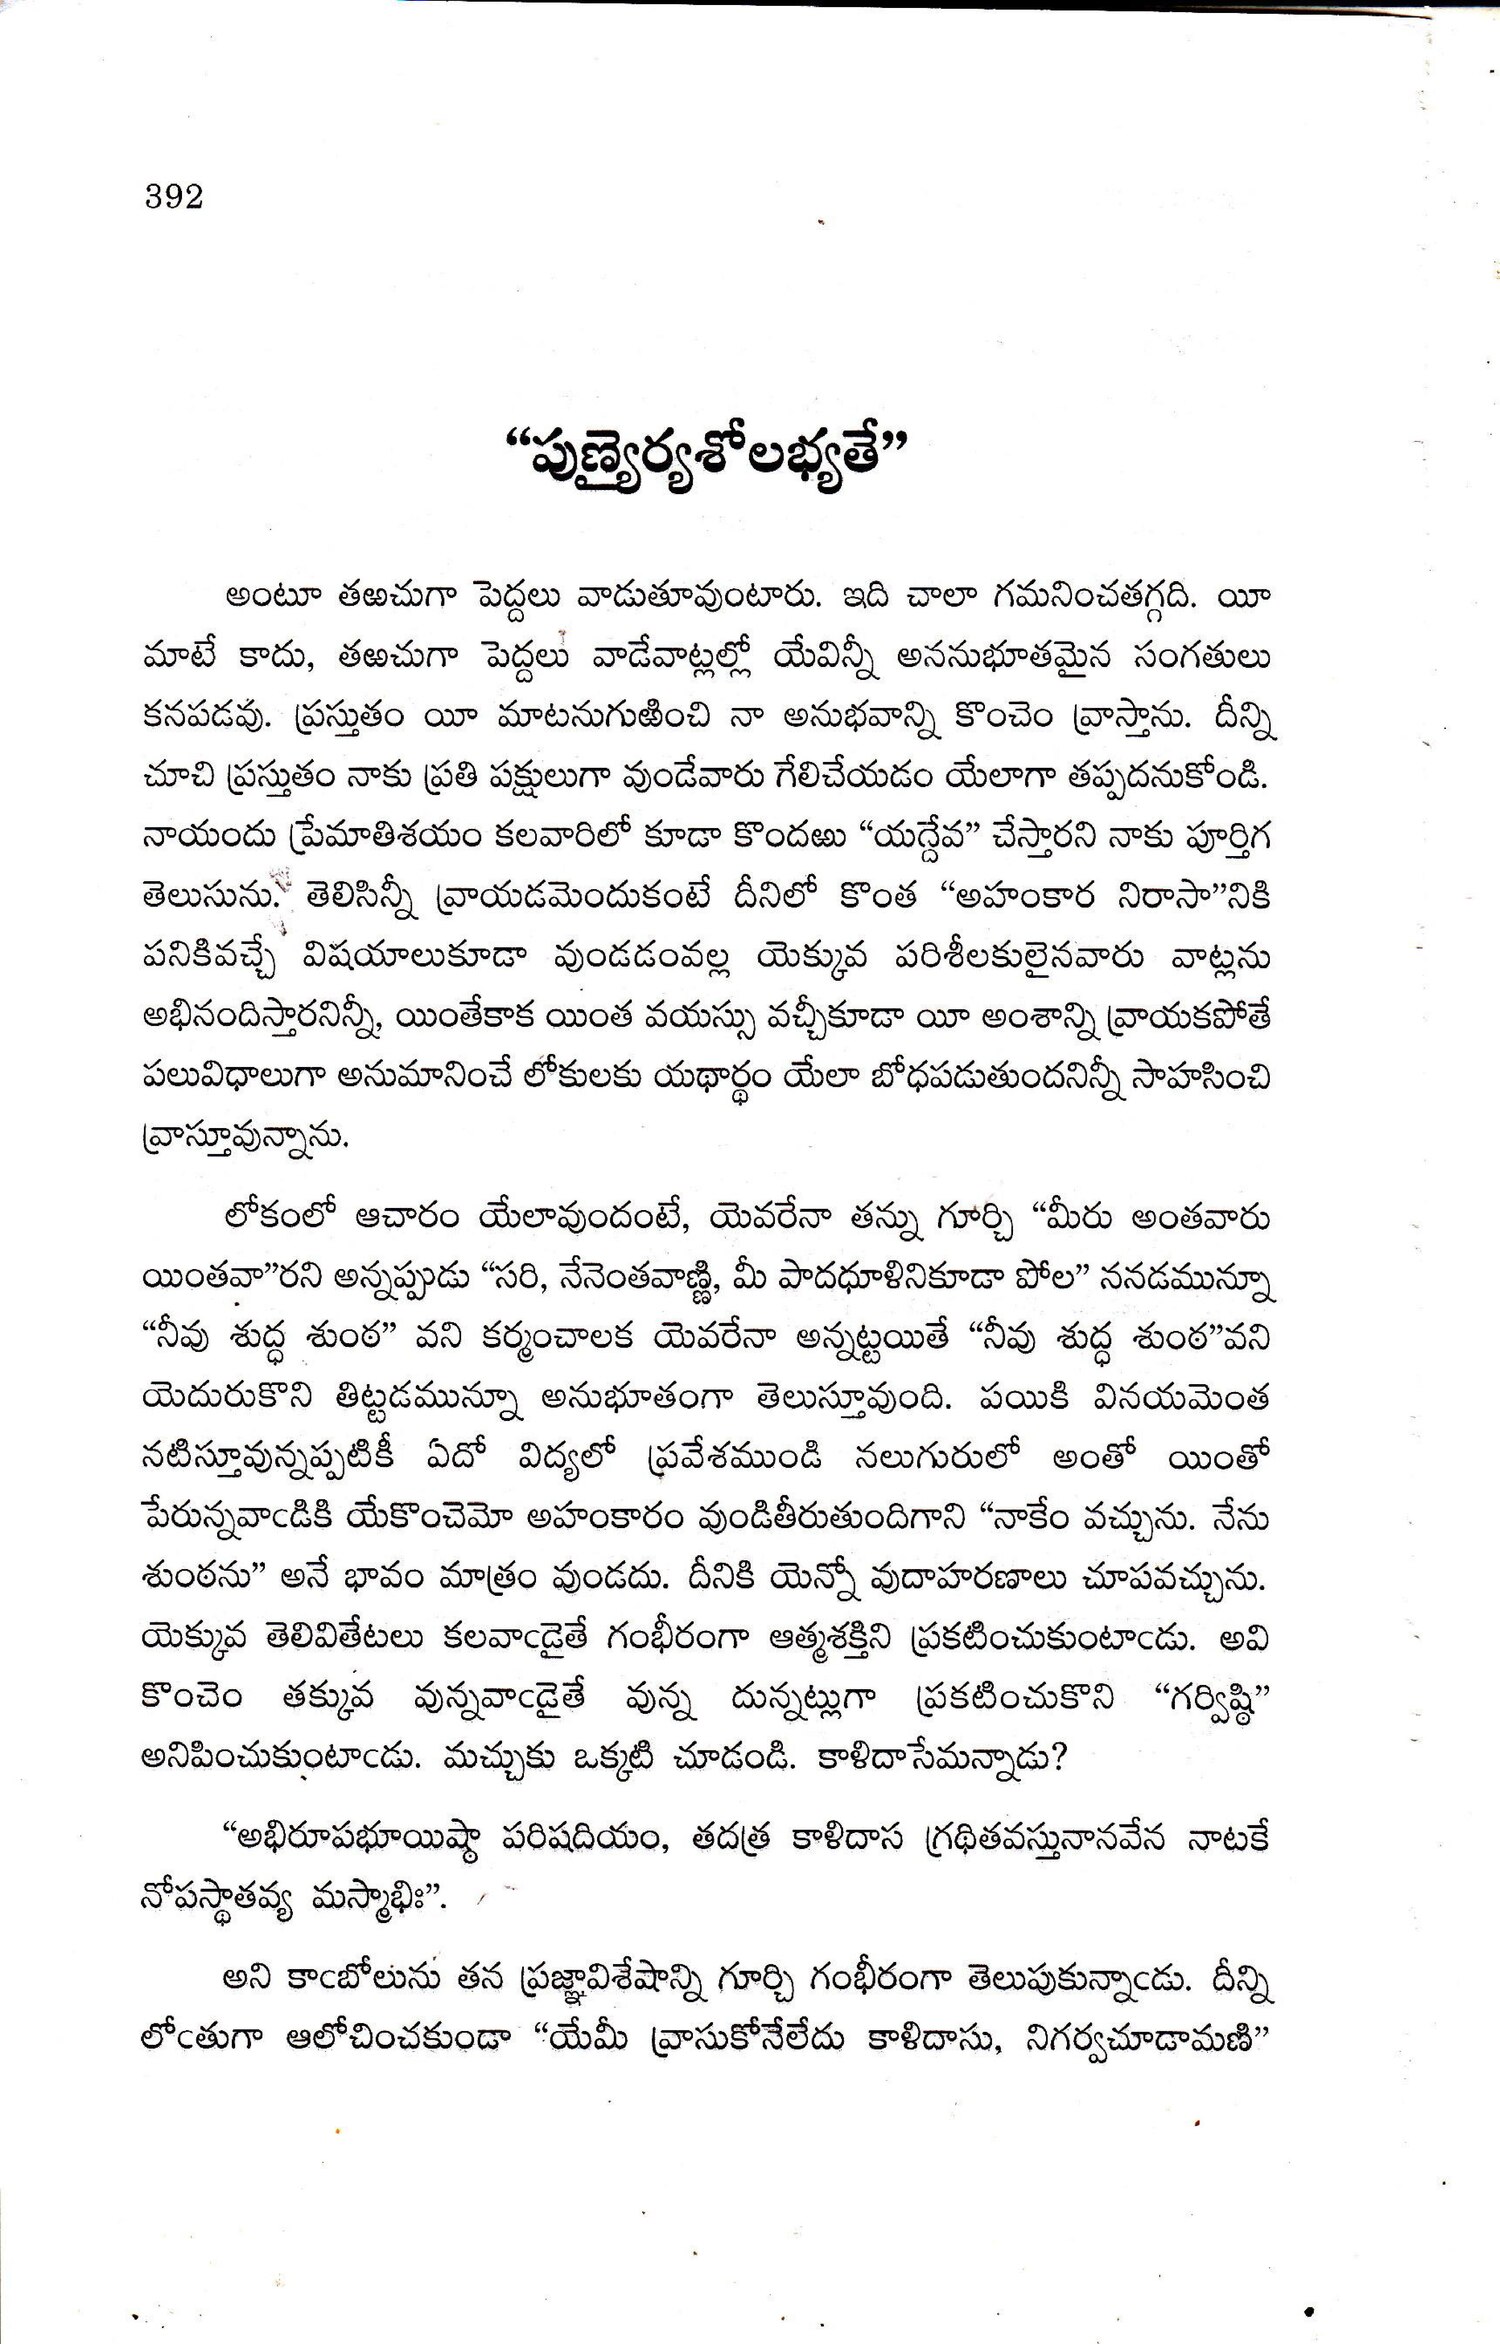“పుణ్యైర్యశోలభ్యతే"

అంటూ తఱచుగా పెద్దలు వాడుతూవుంటారు. ఇది చాలా గమనించతగ్గది. యీ మాటే కాదు, తఱచుగా పెద్దలు వాడేవాట్లల్లో యేవిన్నీ అననుభూతమైన సంగతులు కనపడవు. ప్రస్తుతం యీ మాటనుగుఱించి నా అనుభవాన్ని కొంచెం వ్రాస్తాను. దీన్ని చూచి ప్రస్తుతం నాకు ప్రతి పక్షులుగా వుండేవారు గేలిచేయడం యేలాగా తప్పదనుకోండి. నాయందు ప్రేమాతిశయం కలవారిలో కూడా కొందఱు "యద్దేవ" చేస్తారని నాకు పూర్తిగ తెలుసును. తెలిసిన్నీ వ్రాయడమెందుకంటే దీనిలో కొంత "అహంకార నిరాసా"నికి పనికివచ్చే విషయాలుకూడా వుండడంవల్ల యెక్కువ పరిశీలకులైనవారు వాట్లను అభినందిస్తారనిన్నీ యింతేకాక యింత వయస్సు వచ్చీకూడా యీ అంశాన్ని వ్రాయకపోతే పలువిధాలుగా అనుమానించే లోకులకు యథార్థం యేలా బోధపడుతుందనిన్నీ సాహసించి వ్రాస్తూవున్నాను.

లోకంలో ఆచారం యేలావుందంటే, యెవరేనా తన్ను గూర్చి “మీరు అంతవారు యింతవా"రని అన్నప్పుడు "సరి, నేనెంతవాణ్ణి, మీ పాదధూళినికూడా పోల" ననడమున్నూ "నీవు శుద్ధ శుంఠ" వని కర్మంచాలక యెవరేనా అన్నట్టయితే "నీవు శుద్ధ శుంఠ"వని యెదురుకొని తిట్టడమున్నూ అనుభూతంగా తెలుస్తూవుంది. పయికి వినయమెంత నటిస్తూవున్నప్పటికీ ఏదో విద్యలో ప్రవేశముండి నలుగురులో అంతో యింతో పేరున్నవాఁడికి యేకొంచెమో అహంకారం వుండితీరుతుందిగాని "నాకేం వచ్చును. నేను శుంఠను" అనే భావం మాత్రం వుండదు. దీనికి యెన్నో వుదాహరణాలు చూపవచ్చును. యెక్కువ తెలివితేటలు కలవాఁడైతే గంభీరంగా ఆత్మశక్తిని ప్రకటించుకుంటాఁడు. అవి కొంచెం తక్కువ వున్నవాఁడైతే వున్న దున్నట్లుగా ప్రకటించుకొని "గర్విష్టి" అనిపించుకుంటాఁడు. మచ్చుకు ఒక్కటి చూడండి. కాళిదాసేమన్నాడు?

"అభిరూపభూయిష్ఠా పరిషదియం, తదత్ర కాళిదాస గ్రథితవస్తునానవేన నాటకే నోపస్థాతవ్య మస్మాభిః".

అని కాఁబోలును తన ప్రజ్ఞావిశేషాన్ని గూర్చి గంభీరంగా తెలుపుకున్నాఁడు. దీన్ని లోఁతుగా ఆలోచించకుండా “యేమీ వ్రాసుకోనేలేదు కాళిదాసు, నిగర్వచూడామణి"